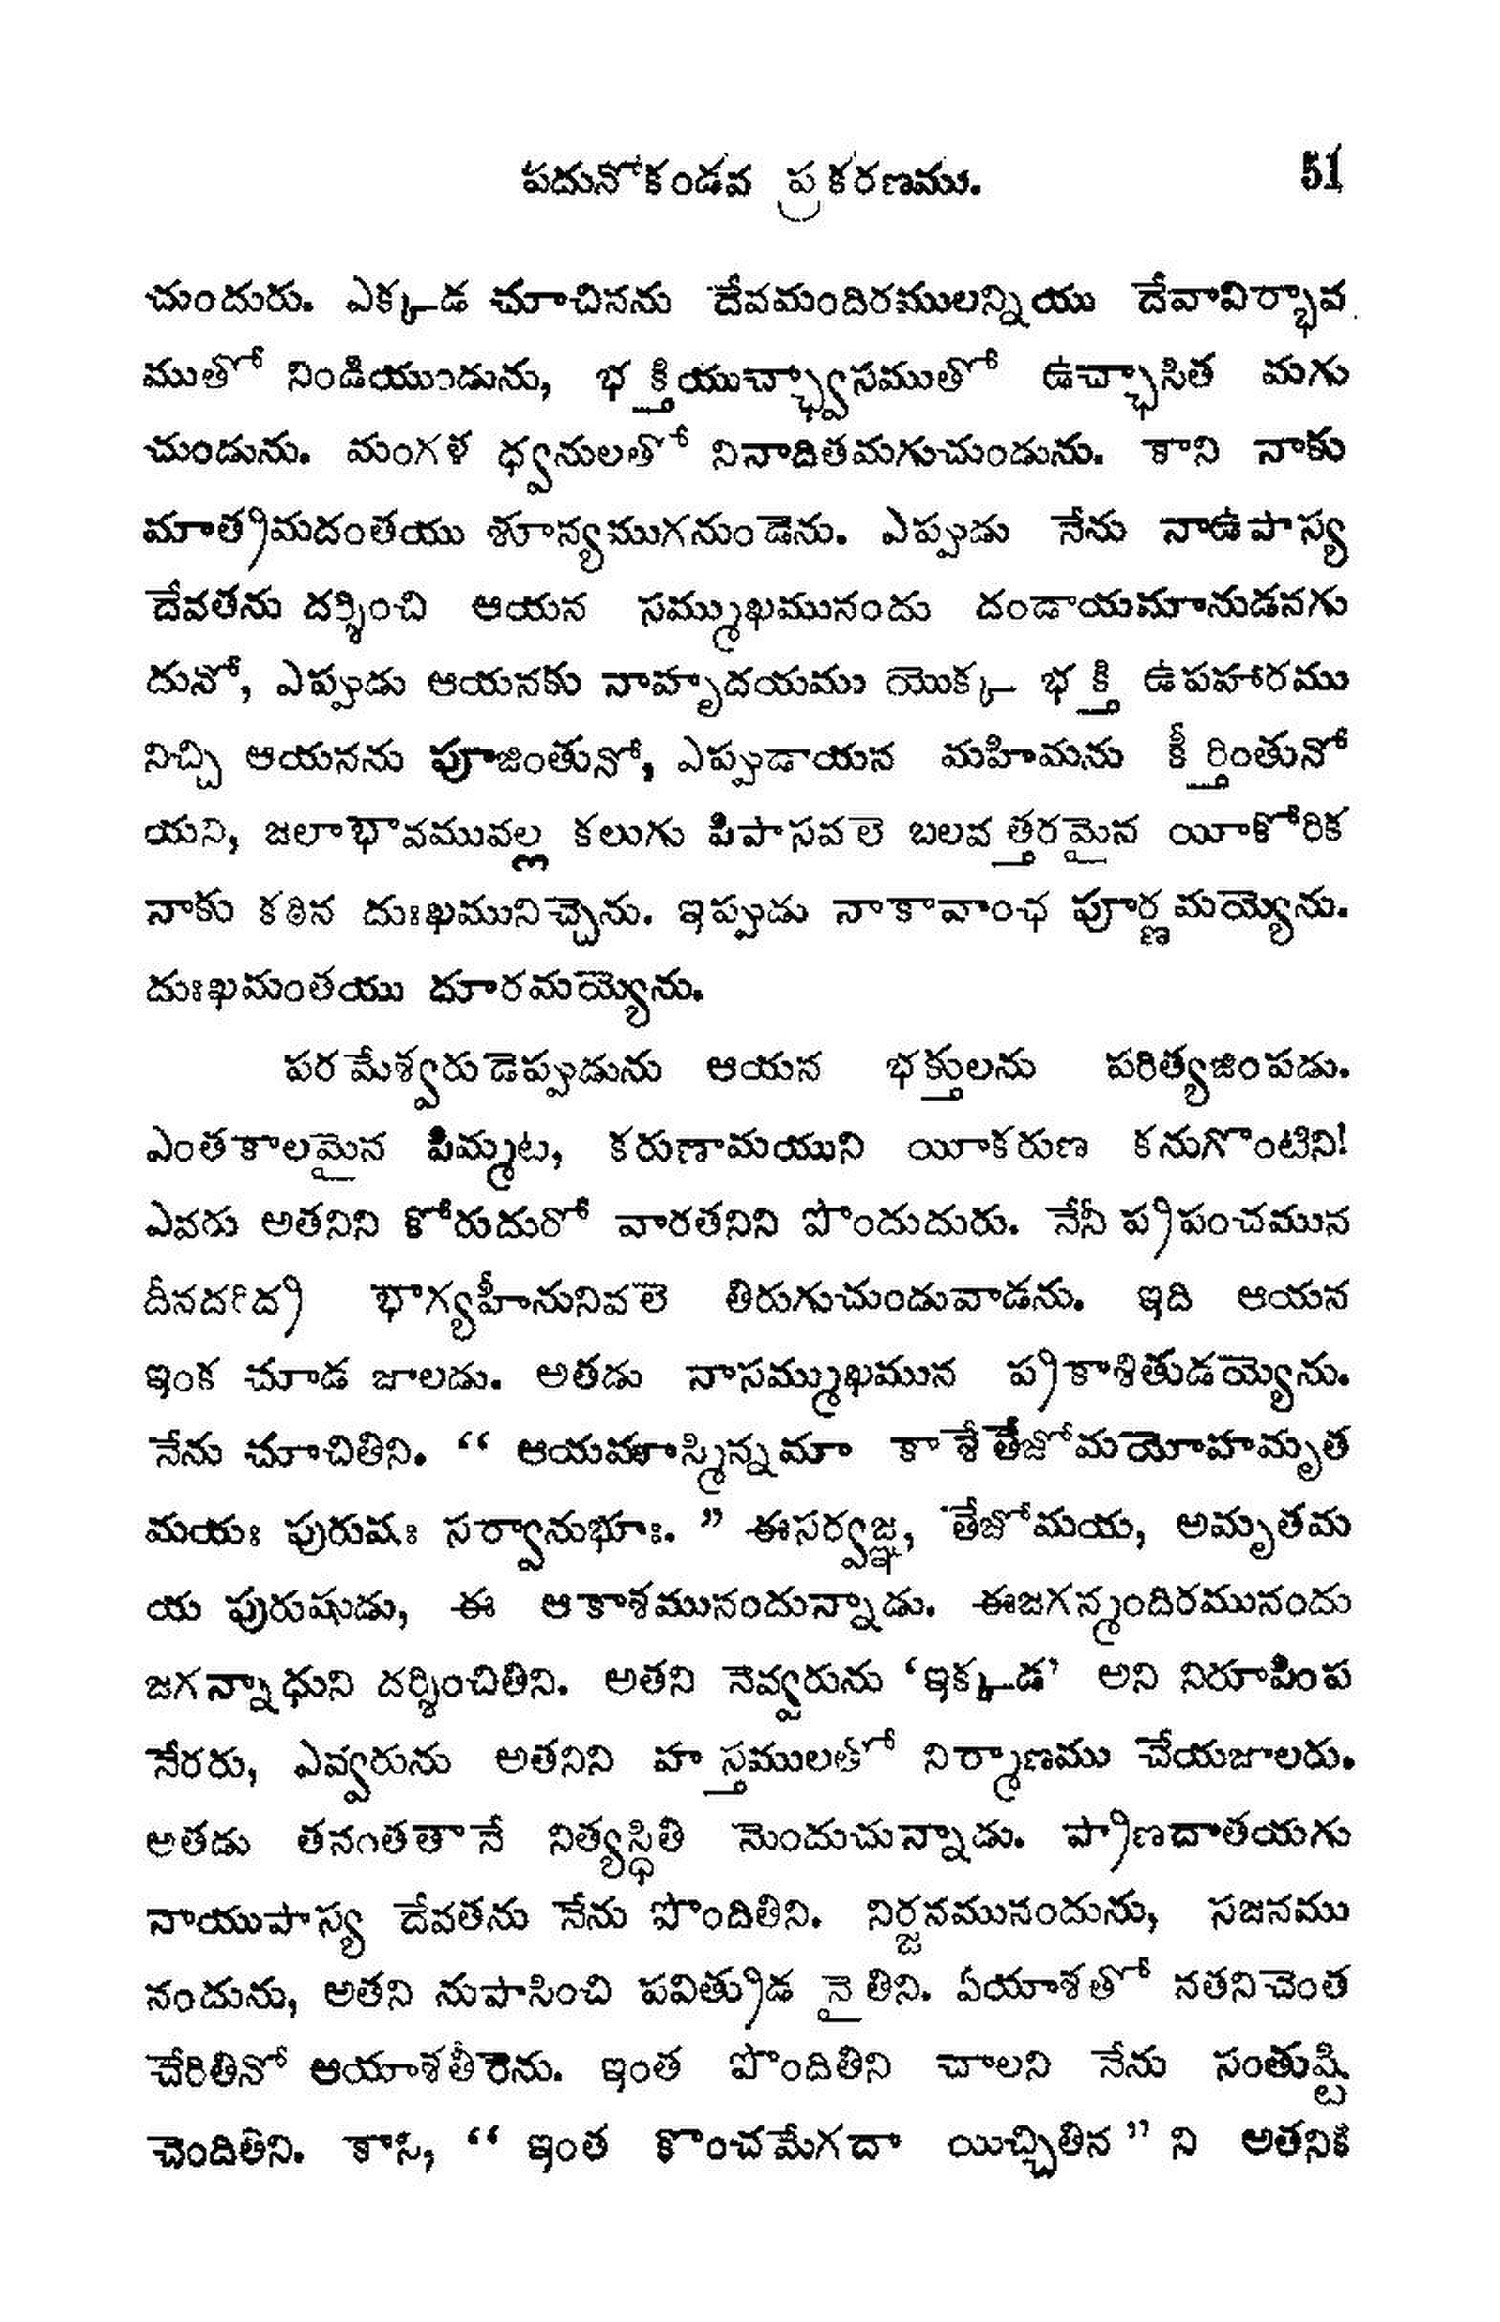చుందురు. ఎక్కడ చూచినను 'దేవమందిరము లన్నియు దేవావిర్భావముతో
నిండి యుండును, భక్తియుచ్ఛ్వాసముతో ఉచ్ఛాసిత మగుచుండును. మంగళ ధ్వనులతో నినాదితమగుచుండును. కాని నాకుమాత్ర మదంతయు శూన్యముగనుండెను. ఎప్పుడు నేను నాఉపాస్యదేవతను దర్శించి ఆయన సమ్ముఖమునందుదునో, ఎప్పుడు ఆయనకు నాహృదయము యొక్క భక్తి ఉపహారము నిచ్చి ఆయనను పూజింతునో, ఎప్పుడాయన మహిమను కీర్తింతునోయని, జలాభావమువల్ల కలుగు పిపాసవలె బలవత్తరమైన యీకోరిక
నాకు కఠిన దుఃఖముని చ్చెను. ఇప్పుడు నాకావాంఛ పూర్ణ మయ్యెను.దుఃఖమంతయు దూరమయ్యెను.

పరమేశ్వరు డెప్పుడును ఆయన భక్తులను పరిత్యజింపడు.ఎంత కాలమైన పిమ్మట, కరుణామయుని యీకరుణ కనుగొంటిని!ఎవరు అతనిని కోరుదురో వారతనిని పొందుదురు. నేనీ ప్రపంచమున దీనదరిద్ర భాగ్యహీనునివలె తిరుగుచుండువాడను. 
ఇది ఆయన ఇంక చూడ జాలడు. అతడు నాసమ్ముఖమున ప్రకాశితుడయ్యెను.
నేను చూచితిని. "ఆయవకాస్మిన్నమాకాశీ తేజోమయోహమృతమయః పురుషః సర్వానుభూః, ” ఈసర్వజ్ఞ,"తేజోమయ, అమృతముయ పురుషుడు, ఈ ఆకాశము నందున్నాడు. ఈజగన్మందిరమునందు జగన్నాధుని దర్శించితిని. అతని నేవ్వరును 'ఇక్కడ' అని నిరూపింపనేరరు, ఎవ్వరును అతనిని హస్తములతో నిర్మాణము చేయజాలరు.అతడు తనంత తానే నిత్యస్థితి ఎందుచున్నాడు. ప్రాణదాతయగు నాయుపాస్య దేవతను నేను పొందితిని. నిర్జనమునందును, సజనము నందును, 
అతని నుపాసించి పవిత్రుడ నైతిని. ఏయాశతో నతని చెంత చేరితినో ఆయాశతీరెను. ఇంత పొందితిని చాలని నేను సంతుష్టిచెందితిని. కాని " ఇంత కొంచమేగదా యిచ్చితిన " ని అతనికి